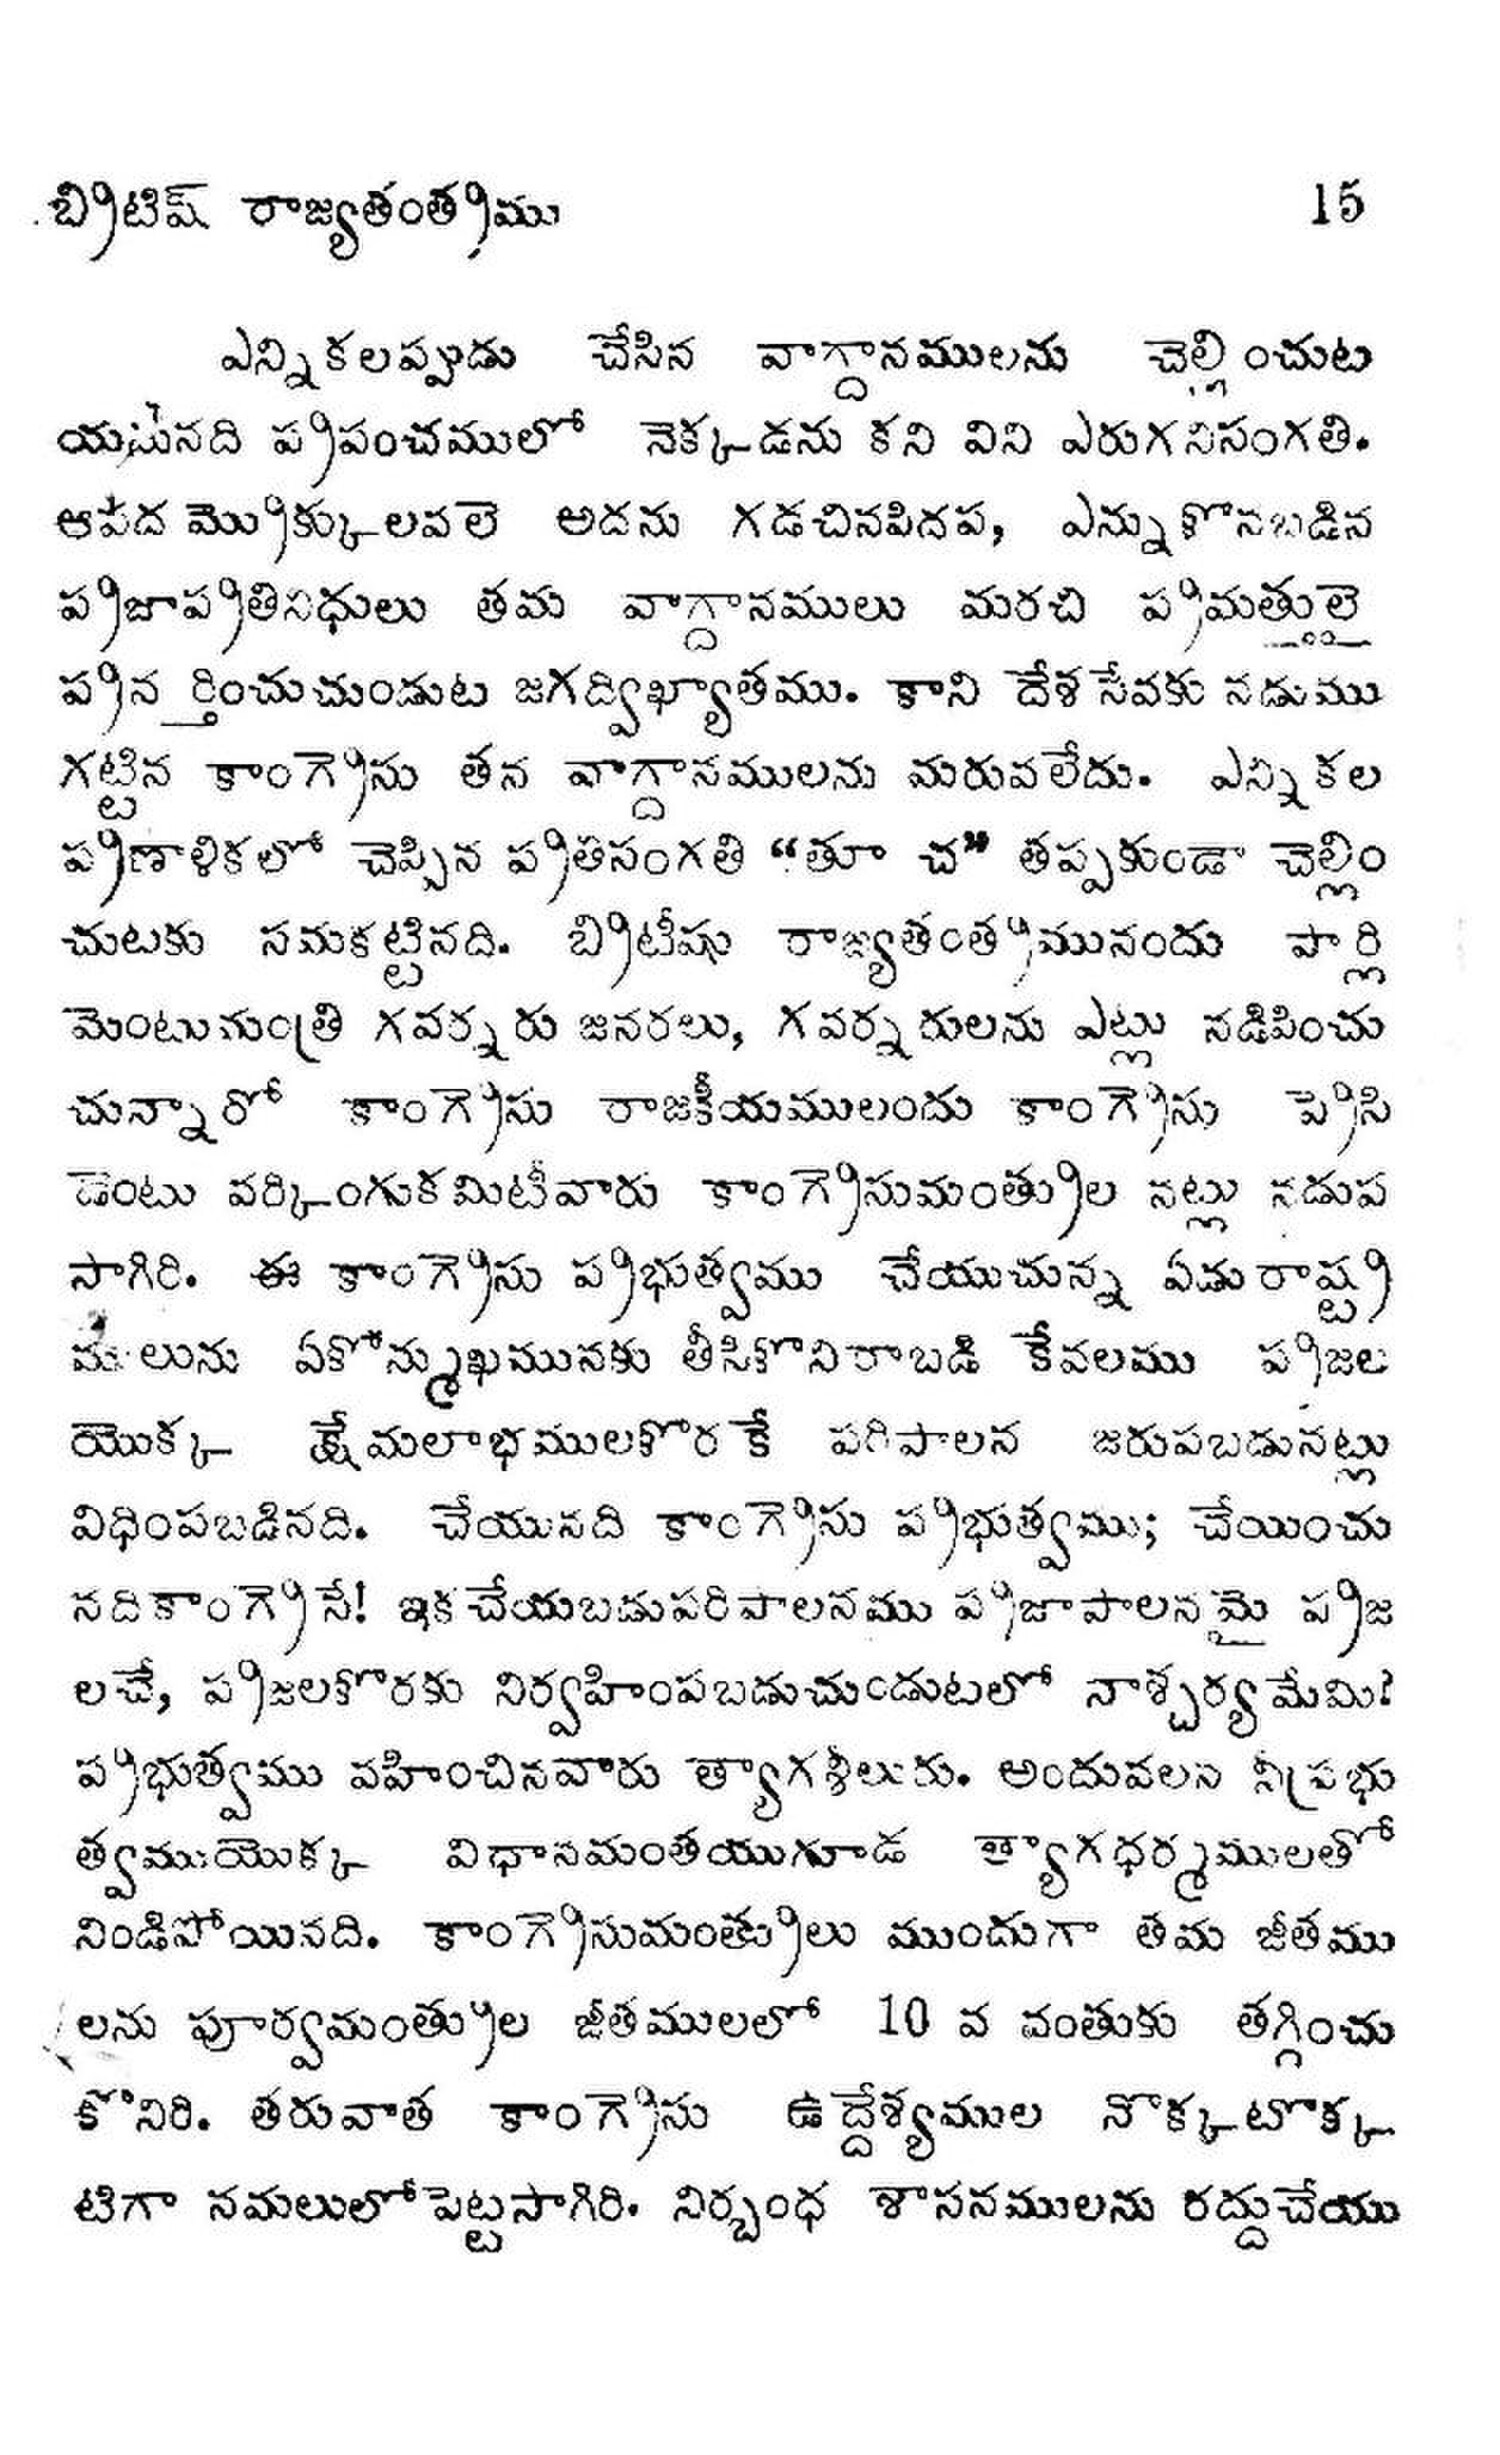ఎన్నికలప్పుడు చేసిన వాగ్దానములను చెల్లించుట యనునది ప్రపంచములో నెక్కడను కని విని ఎరుగనిసంగతి. ఆపద మ్రొక్కులవలె అదను గడచినపిదప, ఎన్నుకొనబడిన ప్రజాప్రతినిధులు తమ వాగ్దానములు మరచి ప్రమత్తులై ప్రవర్తించుచుండుట జగద్విఖ్యాతము. కాని దేశసేవకు నడుముగట్టిన కాంగ్రెసు తన వాగ్దానములను మరువలేదు. ఎన్నికల ప్రణాళికలో చెప్పిన ప్రతిసంగతి “తూ చ" తప్పకుండా చెల్లించుటకు సమకట్టినది. బ్రిటీషు రాజ్యతంత్రమునందు పార్లిమెంటుమంత్రి గవర్నరు జనరలు, గవర్నరులను ఎట్లు నడిపించుచున్నారో కాంగ్రెసు రాజకీయములందు కాంగ్రెసు ప్రెసిడెంటు వర్కింగుకమిటీవారు కాంగ్రెసుమంత్రుల నట్లు నడుపసాగిరి. ఈ కాంగ్రెసు ప్రభుత్వము చేయుచున్న ఏడురాష్ట్రములును ఏకోన్ముఖమునకు తీసికొనిరాబడి కేవలము ప్రజల యొక్క క్షేమలాభములకొరకే పరిపాలన జరుపబడునట్లు విధింపబడినది. చేయునది కాంగ్రెసు ప్రభుత్వము; చేయించునది కాంగ్రెసే! ఇక చేయబడుపరిపాలనము ప్రజాపాలనమై ప్రజలచే, ప్రజలకొరకు నిర్వహింపబడుచుండుటలో నాశ్చర్యమేమి? ప్రభుత్వము వహించినవారు త్యాగశీలురు. అందువలన నీప్రభుత్వముయొక్క విధానమంతయుగూడ త్యాగధర్మములతో నిండిపోయినది. కాంగ్రెసుమంత్రులు ముందుగా తమ జీతములను పూర్వమంత్రుల జీతములలో 10 వ వంతుకు తగ్గించుకొనిరి. తరువాత కాంగ్రెసు ఉద్దేశ్యముల నొక్కటొక్కటిగా నమలులోపెట్టసాగిరి. నిర్బంధ శాసనములను రద్దుచేయు